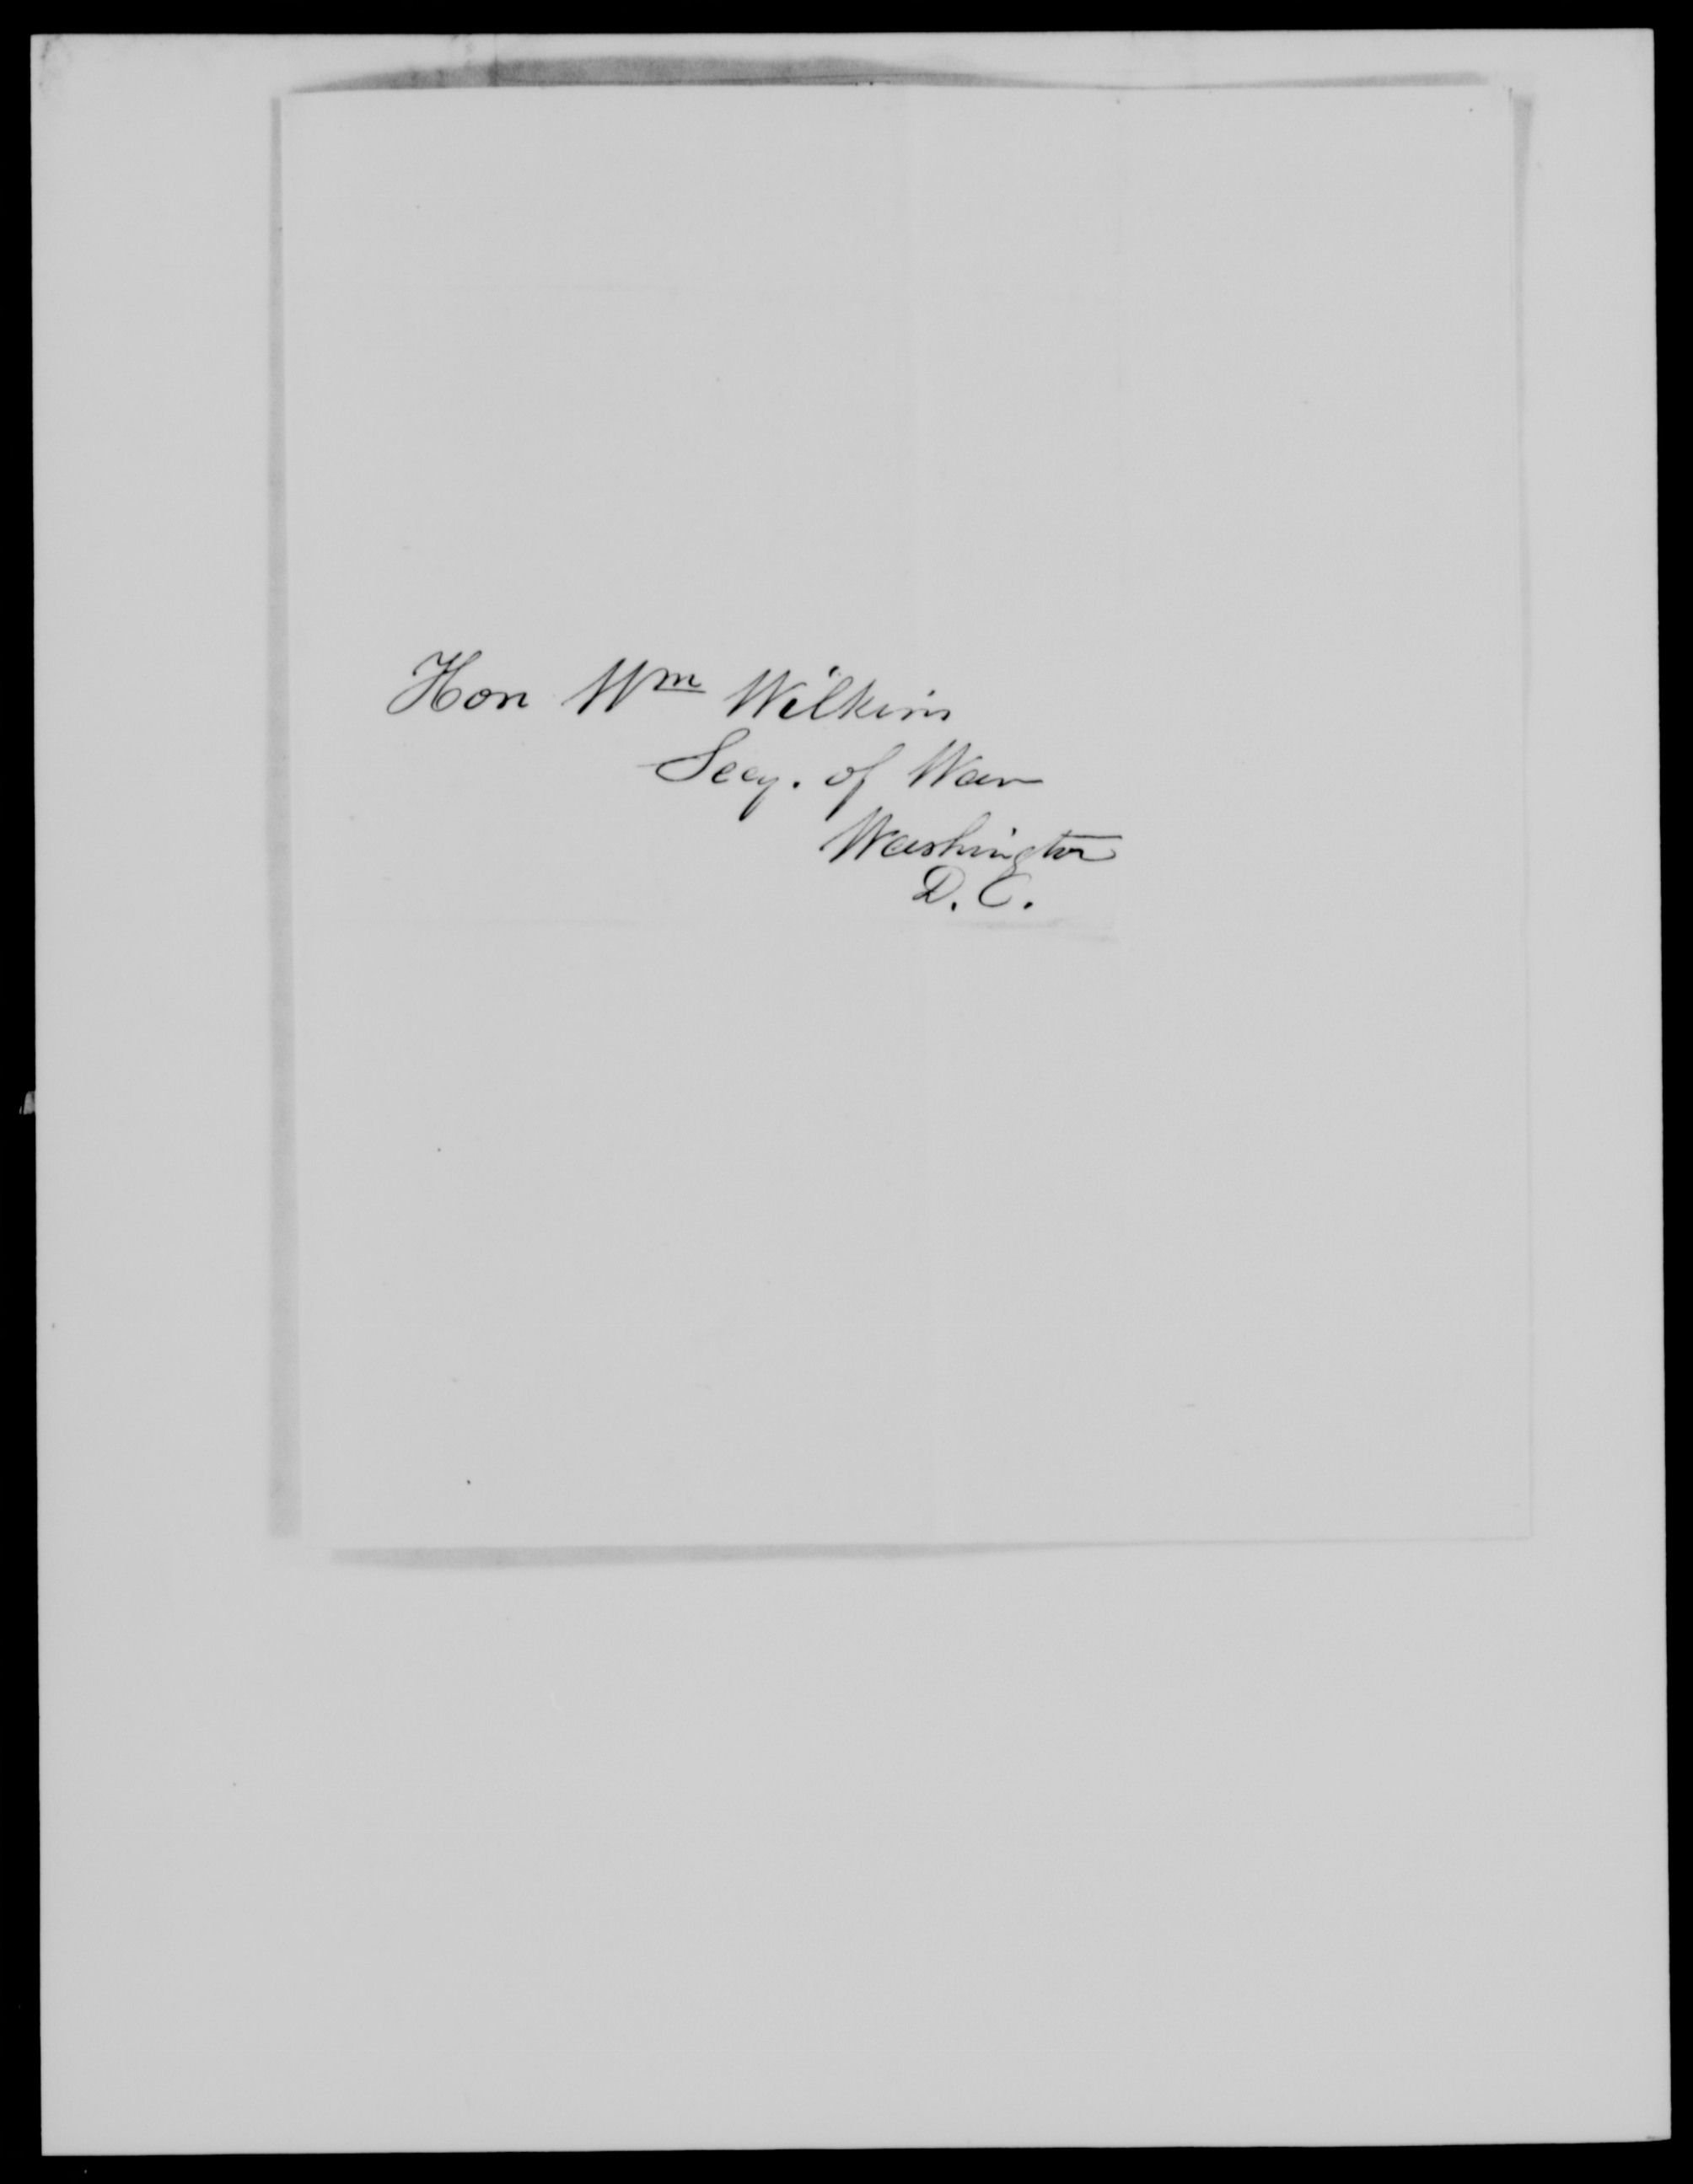Hon WM Williams
Sec. of War
Washington 
D.C.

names: Wm Wilkins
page: 28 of 40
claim: widow's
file: W. 18,426, Abel Wilder, Mass. N.H. Vt.